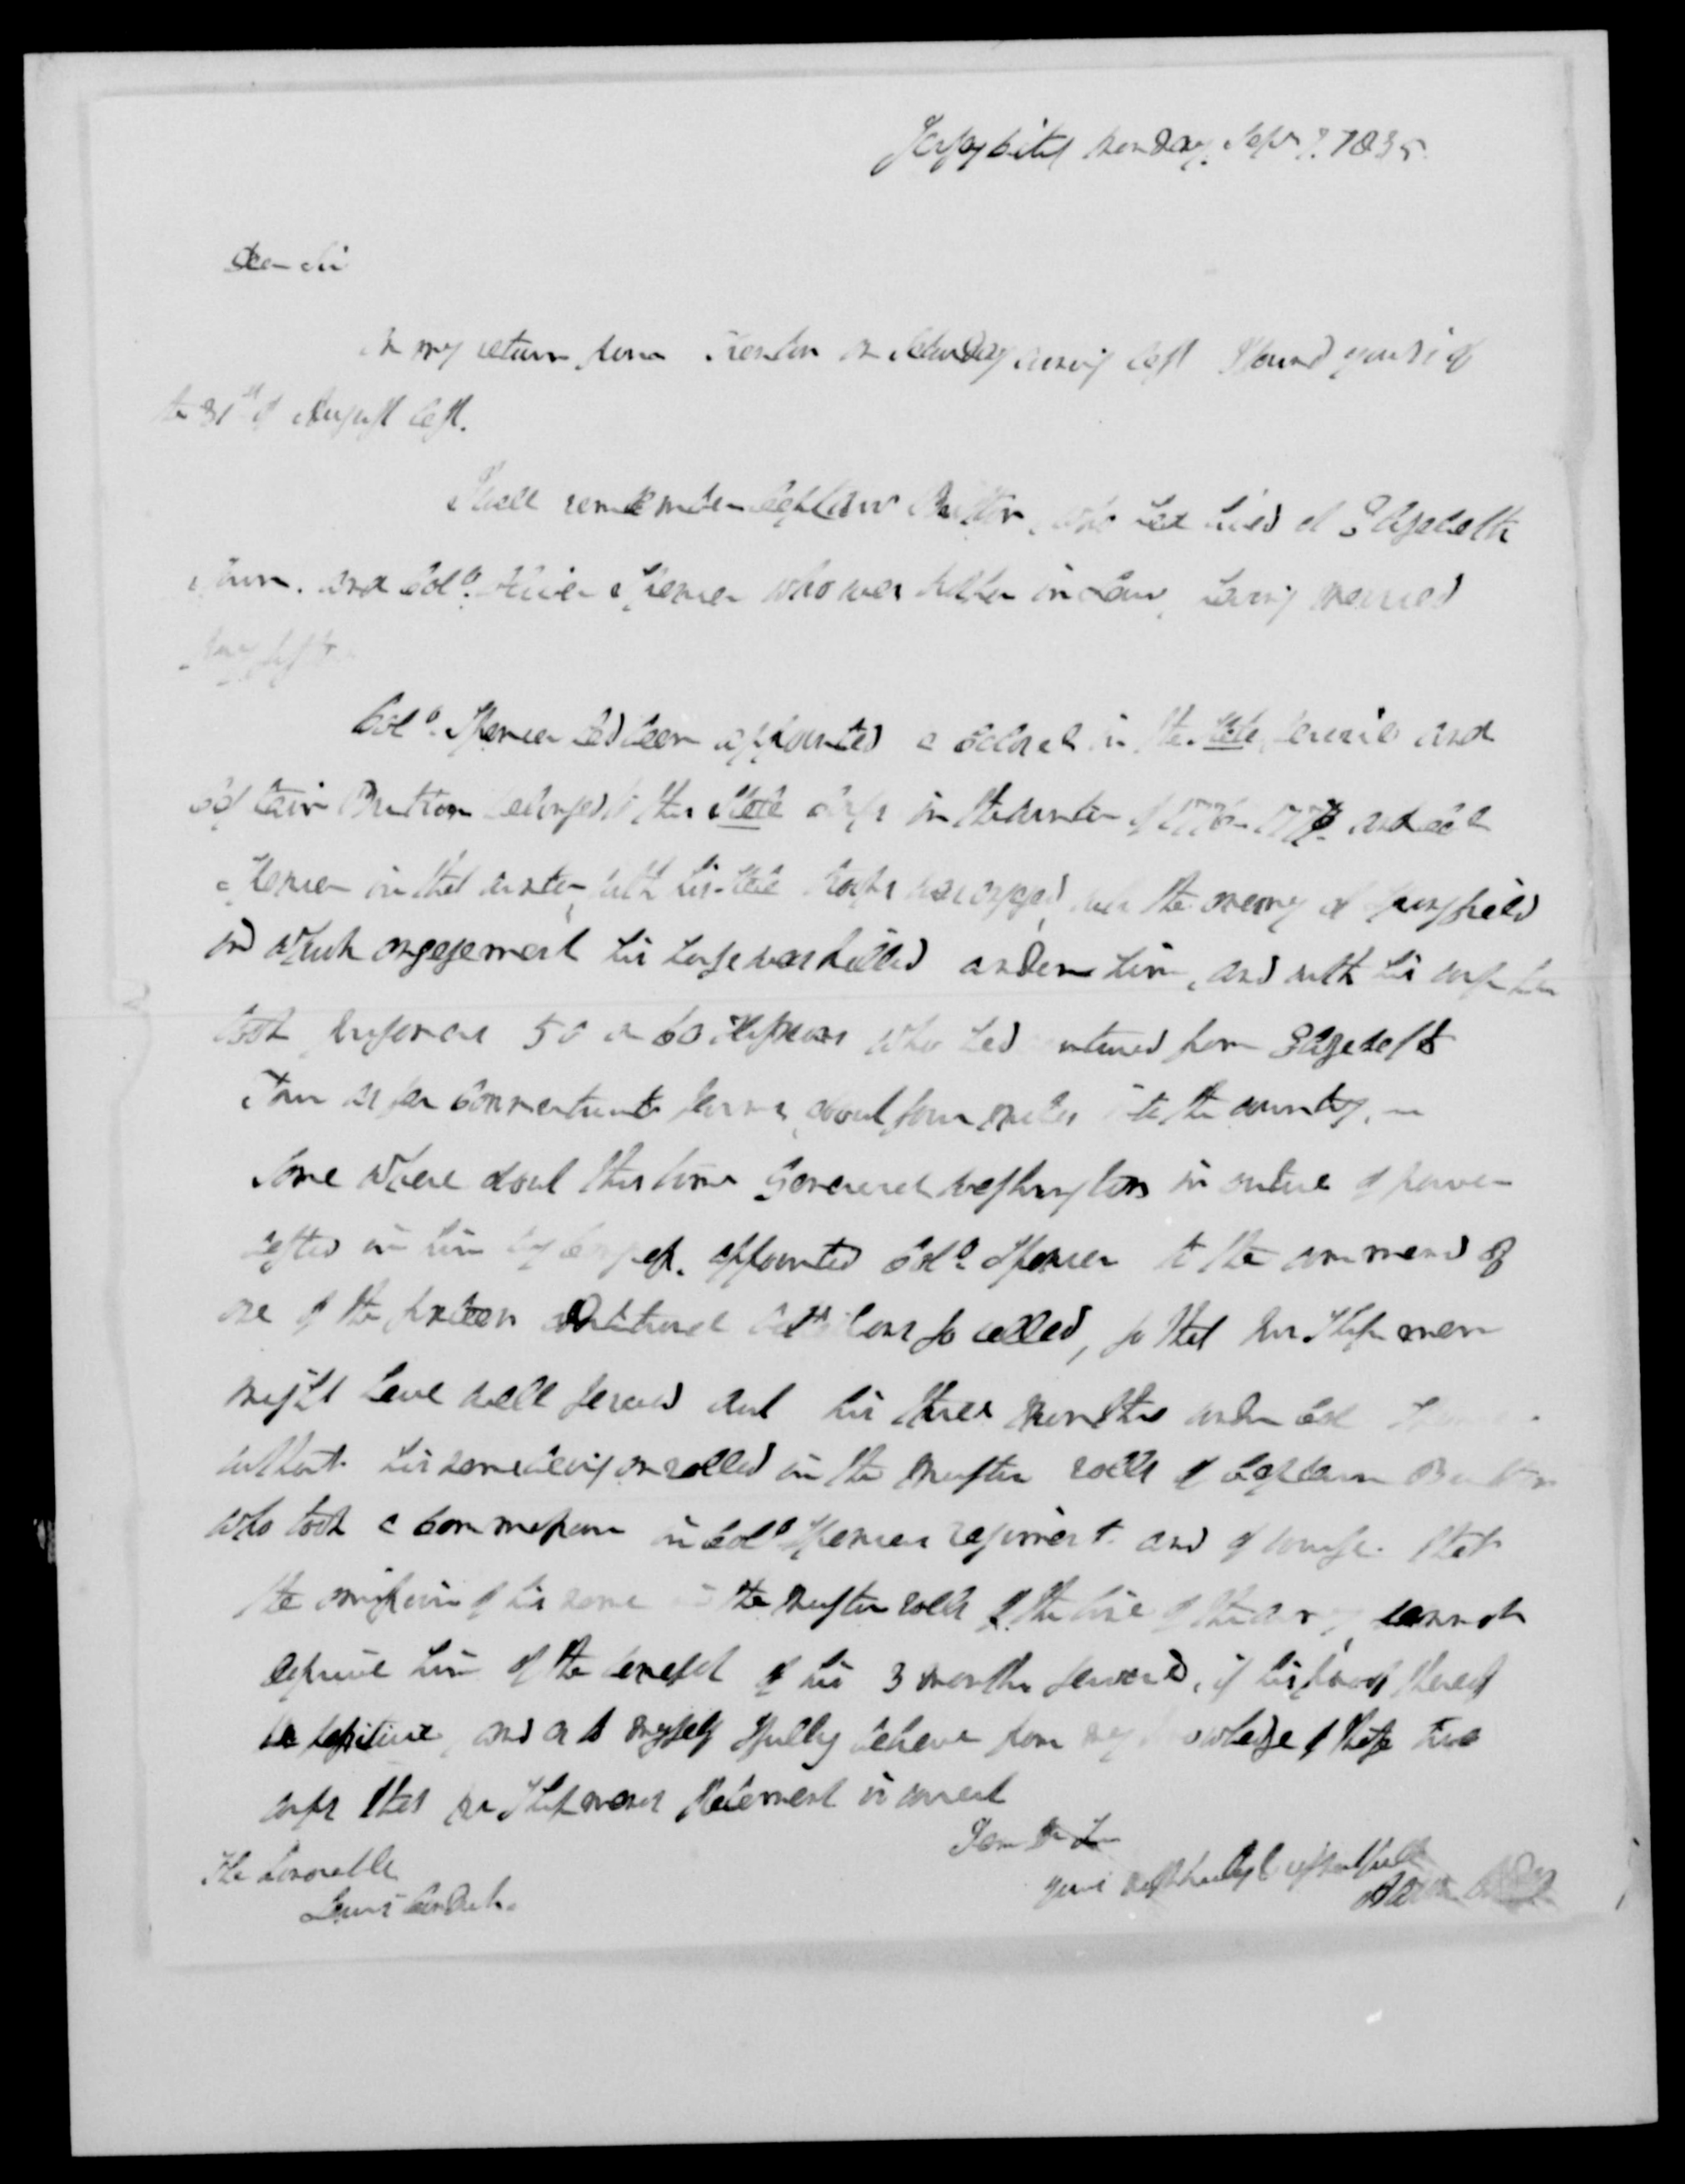Jersey City Monday Sept. 5 1835

Dear Sir

On my. return from Trenton on Saturday [illegible] last I found yours of the 31st last.

I well remember Captain Britton who [illegible] died at Elizabeth Town, and Col. Oliver Spencer who was brother in law being named [illegib le].

Col. SPencer had been appointed a Colonel in the State [illegible] and Captain Britton belonged to the State Corps in the winter of 1776 -1777 and Col. Spencer in that winter with his State troops was engaged with the enemy at Springfield in which engagement his horse was killed under him and with his troops took prisoners 50 or 60 Hessians who had returned from Elizabeth Town as far Connecticut Farms about four miles in the country.  Somewhere about this time General Washington in [illegible] of power invested in him by Congress appointed Col. Spencer to the command of one of the
Sixteen Continental battalions so called, so that Mr. Shipman might have well served and his three months under Col. Thomas [illegible],   
his name being ocaolled in the muster rolls of  who took commission in Col. Spencers regiment and of [illegible] that deprive him of the benefit of his 3 months service, if his proof thereof is sufficient, and as to myself fully believe from my knowledge of that his corps this Dr Shipmans statement is correct.  

I am Sir
Yours respectfully [illegible]
Aaron [illegible]

The Honorable
Lewis Condict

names: [BLANK] Shipman; Lewis Condict; [BLANK] Spencer; [BLANK] Spencer; Oliver Spencer; Aaron [ILLEGIBLE]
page: 19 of 44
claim: survivor's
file: S. 912, for Samuel Shipman, New Jersey